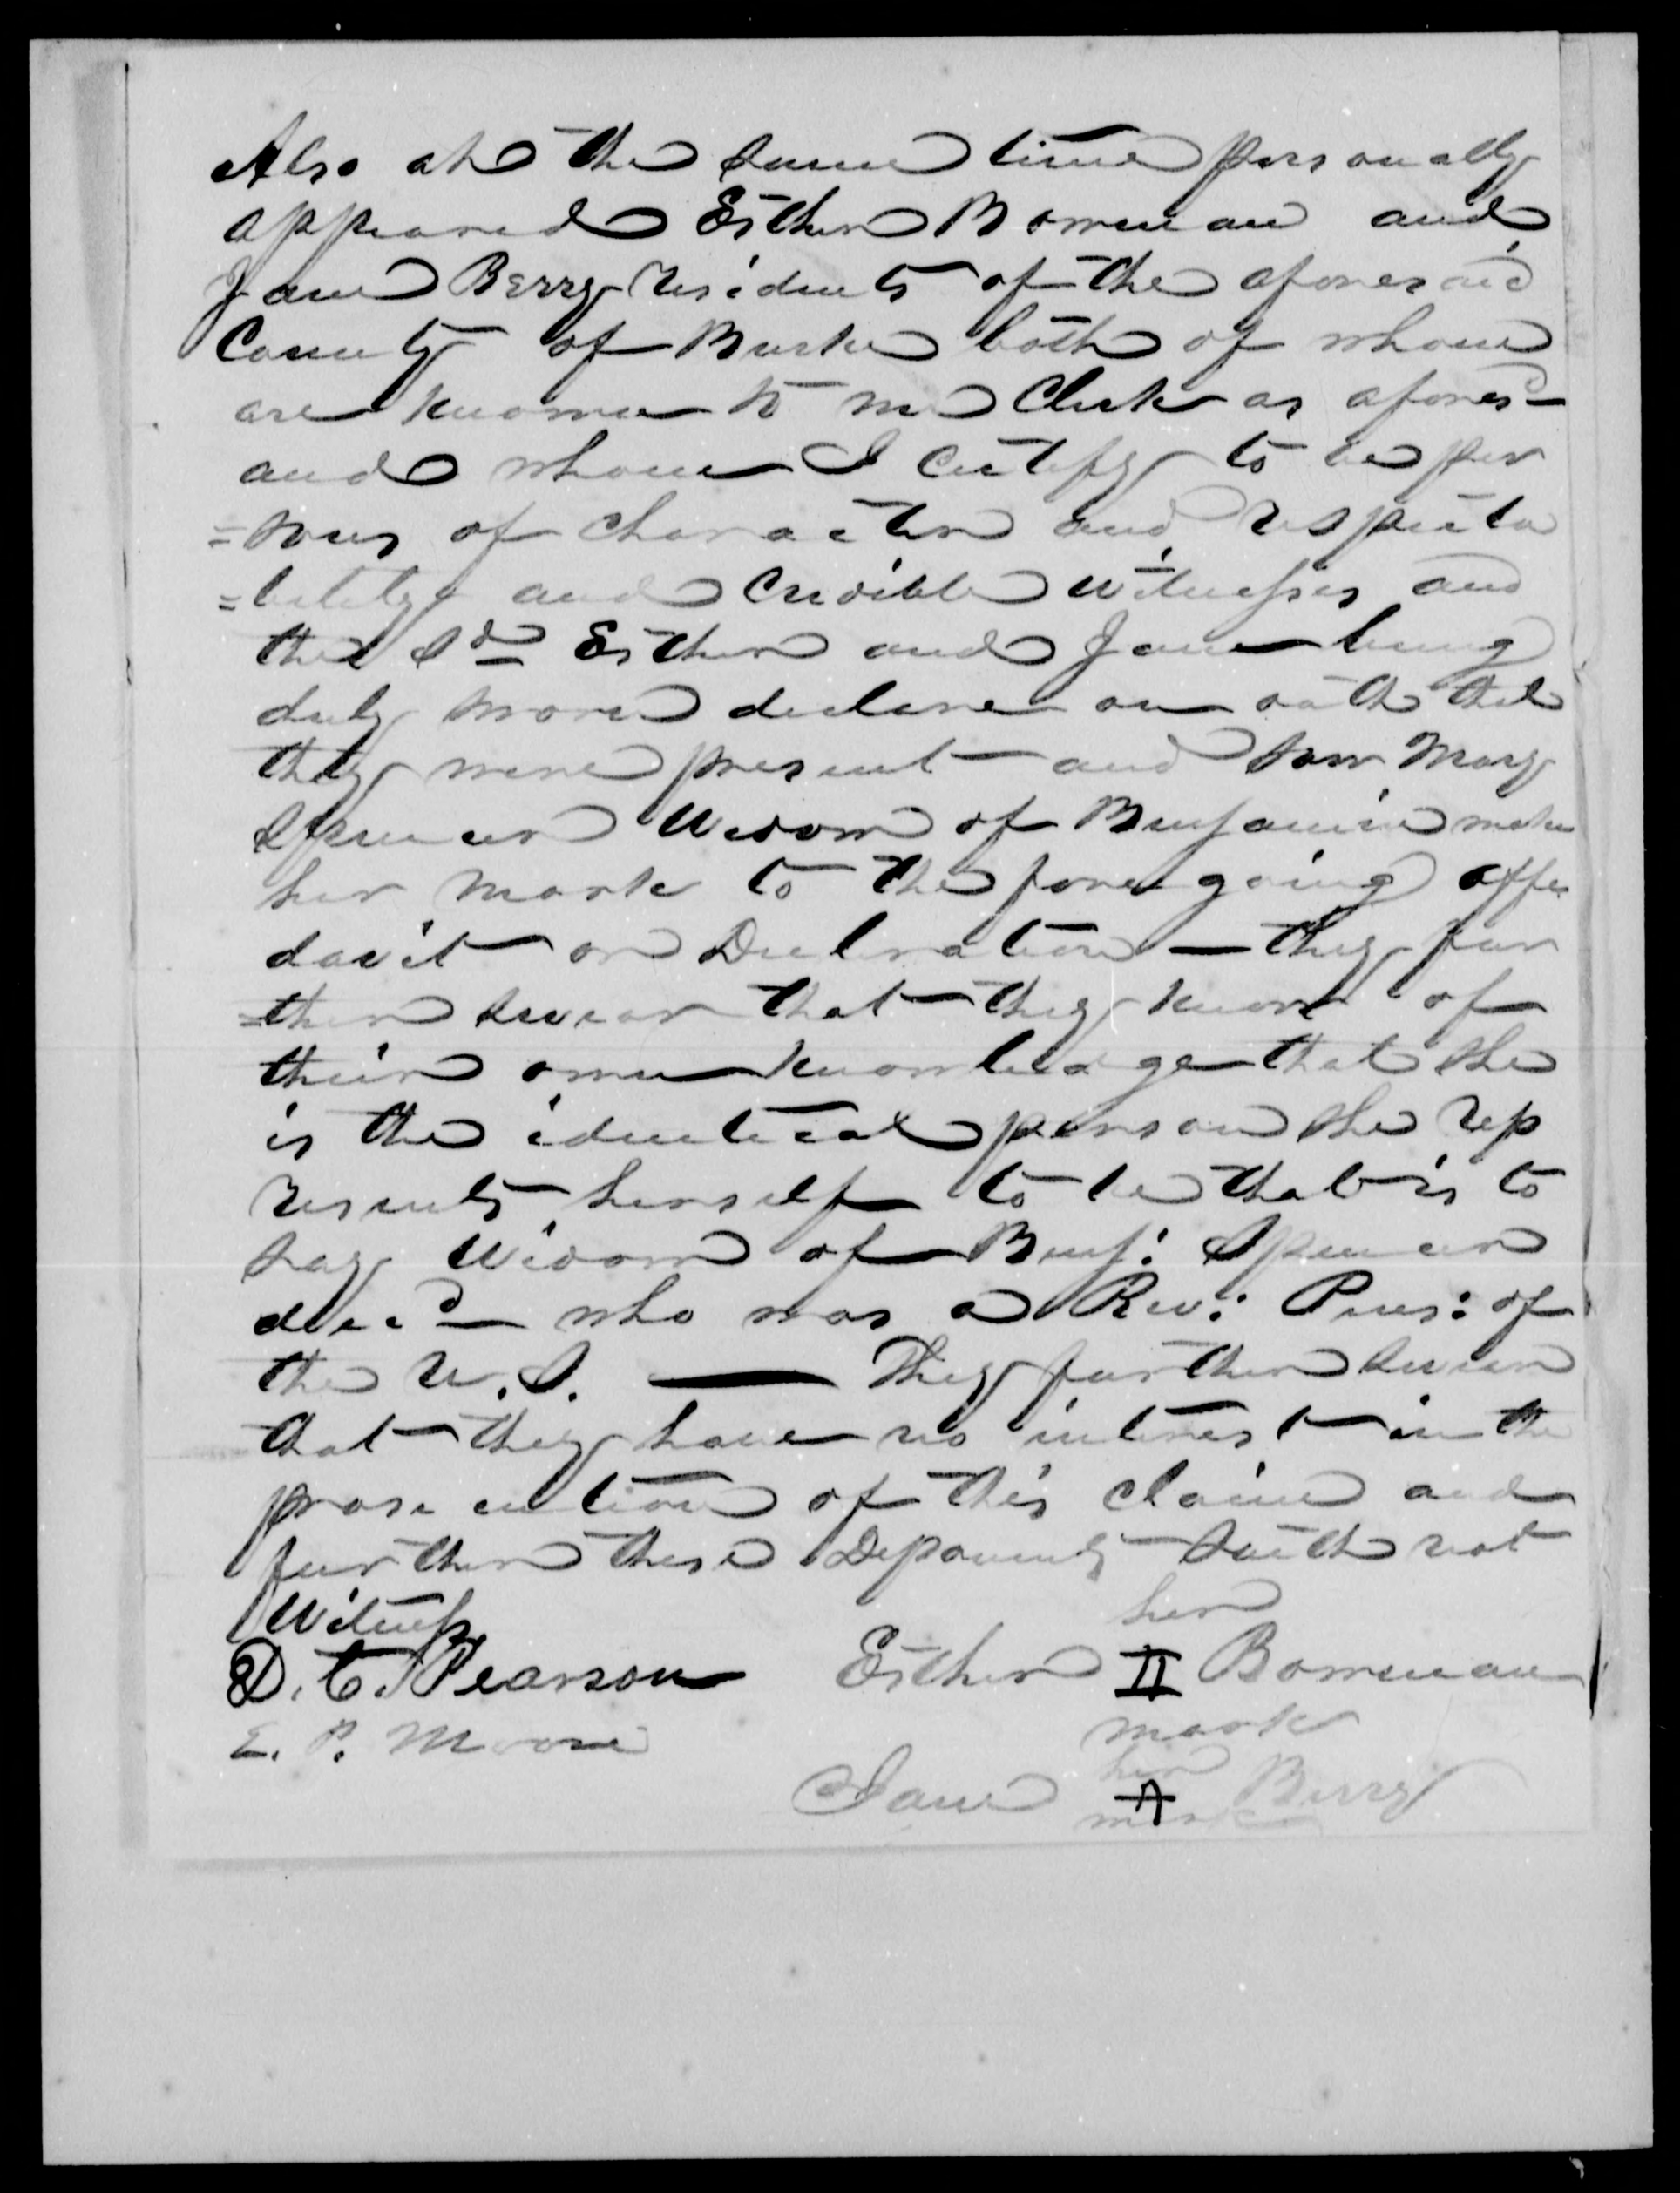Also at the same time personally
appeared Esther Bowman and
Jane  Berry residents of the aforesaid
County of Burke both of whom
are known to me Clerk as aforesaid
and whom I certify to be persons of character and respectability and credible witnesses and
that Esther and Jane being
duly sworn declare on oath that
they were present and saw Mary Spencer
his widow of Benjamin make
her mark to the foregoing affidavit or Declaration they further swear that they know of
their own knowledge that she
is the identical person she
represents herself to be that is to
say widow of Benj. Spencer
dec'd. who was a Rev Pens: of
the U.S. They further swear
that they have no interest in the
prosecution of this claim and
further these Deponent saith not
Witness
her
D. C. Pearson
E. P. Moore
Esther II Bowman
her mark
Jane  A  Berry
her mark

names: Jane Berry; E P Moore; Jane Berry; Jane [BLANK]; Esther Bowman; Mary Spencer; D C Pearson; Benj Spencer; Esther [BLANK]; Benjamin [BLANK]; Esther Bowman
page: 57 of 63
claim: widow's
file: W. 6158, for Benjamin Spencer, North Carolina